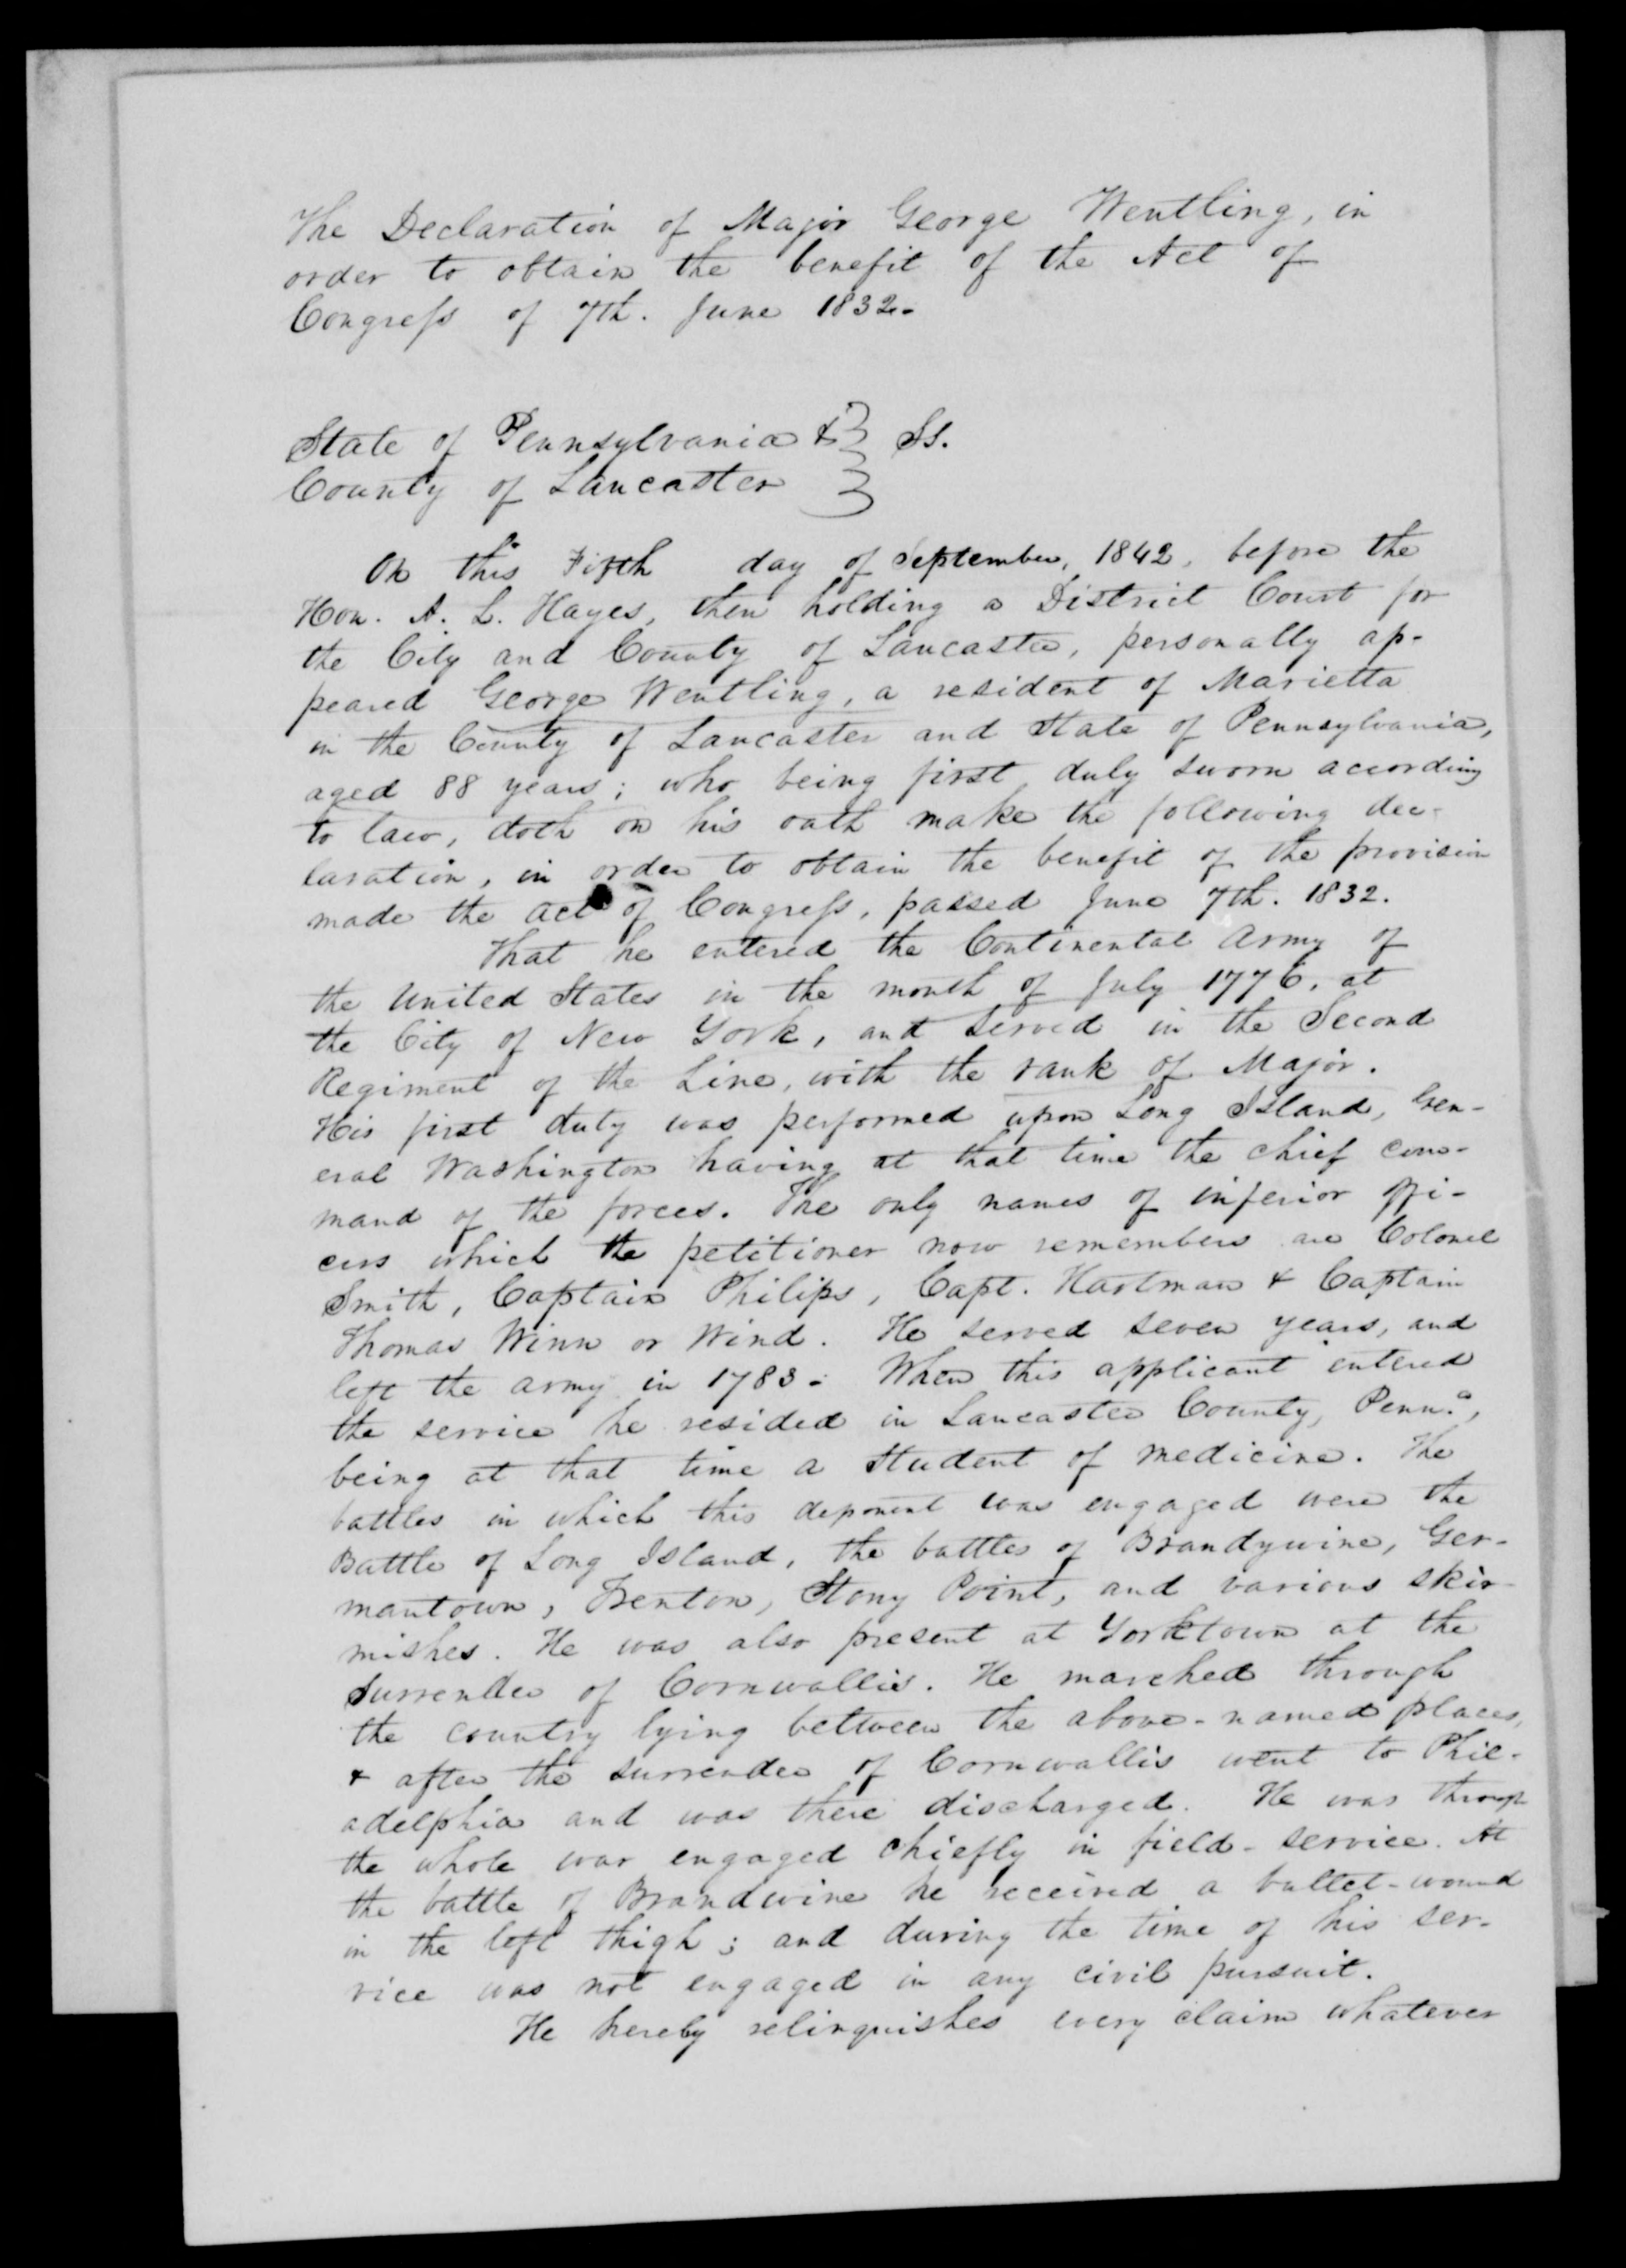The Declaration of Major George Wentling,  in order to obtain the benefit of the Act of Congress of 7t. June 1832.

State of Pennsylvania js} Ss.
County of Lancaster}

On this Fifth day of September, 1842, before the Hon. A. L. Hayes, then holding a District Court for the City and County of Lancaster, personally appeared George Wentling, a resident of Marietta in the County of Lancaster and State of Pennsylvania, aged 88 years; who being first duly sworn according to law, doth on his oath make the following declaration, in order to obtain the benefit of the provision made the act Congress, passed June 7th, 1832.
That he entered the Continental Army of the United States in the month of July 1776, at the City of New York, and Served in the Second Regiment of the lIne, with the rank of Major.  His first duty was performed upon Long Island, General Washington having at that time the chief command of the forces.  The only names of inferior officers which the petitioner now remembers are Colonel Smith, Captain Philips, Capt. Hartman & Captain Thomas Winn or Wind.  He served seven years, and left the army in 1783.  When this applicant entered the service he resided in Lancaster County, Penn.a  being at that time a student of medicine.  The battles in which this deponent was engaged were the Battle of Long Island, the battles of Brandywine, Germantown, Trenton, Stony Point, and various skirmishes.  He was also present at Yorktown at the Surrender of Cornwallis.  He marched through the country lying between the above named places & after the surrender of Cornwallis went to Philadelphia and was there discharged.  He was through the whole war engaged chiefly in field - service.  At the battle of Brandywine he received  a bullet-wound in the left thigh; and during the time of his service was not engaged in any civil pursuit.  He hereby relinquishes every claim whatever.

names: Smith, A L Hayes, Philips, George Wentling, Thomas Winn, Washington, Hartman, Thomas Wind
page: 4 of 68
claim: survivor's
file: S. 6,358, George Wentling, Penn.